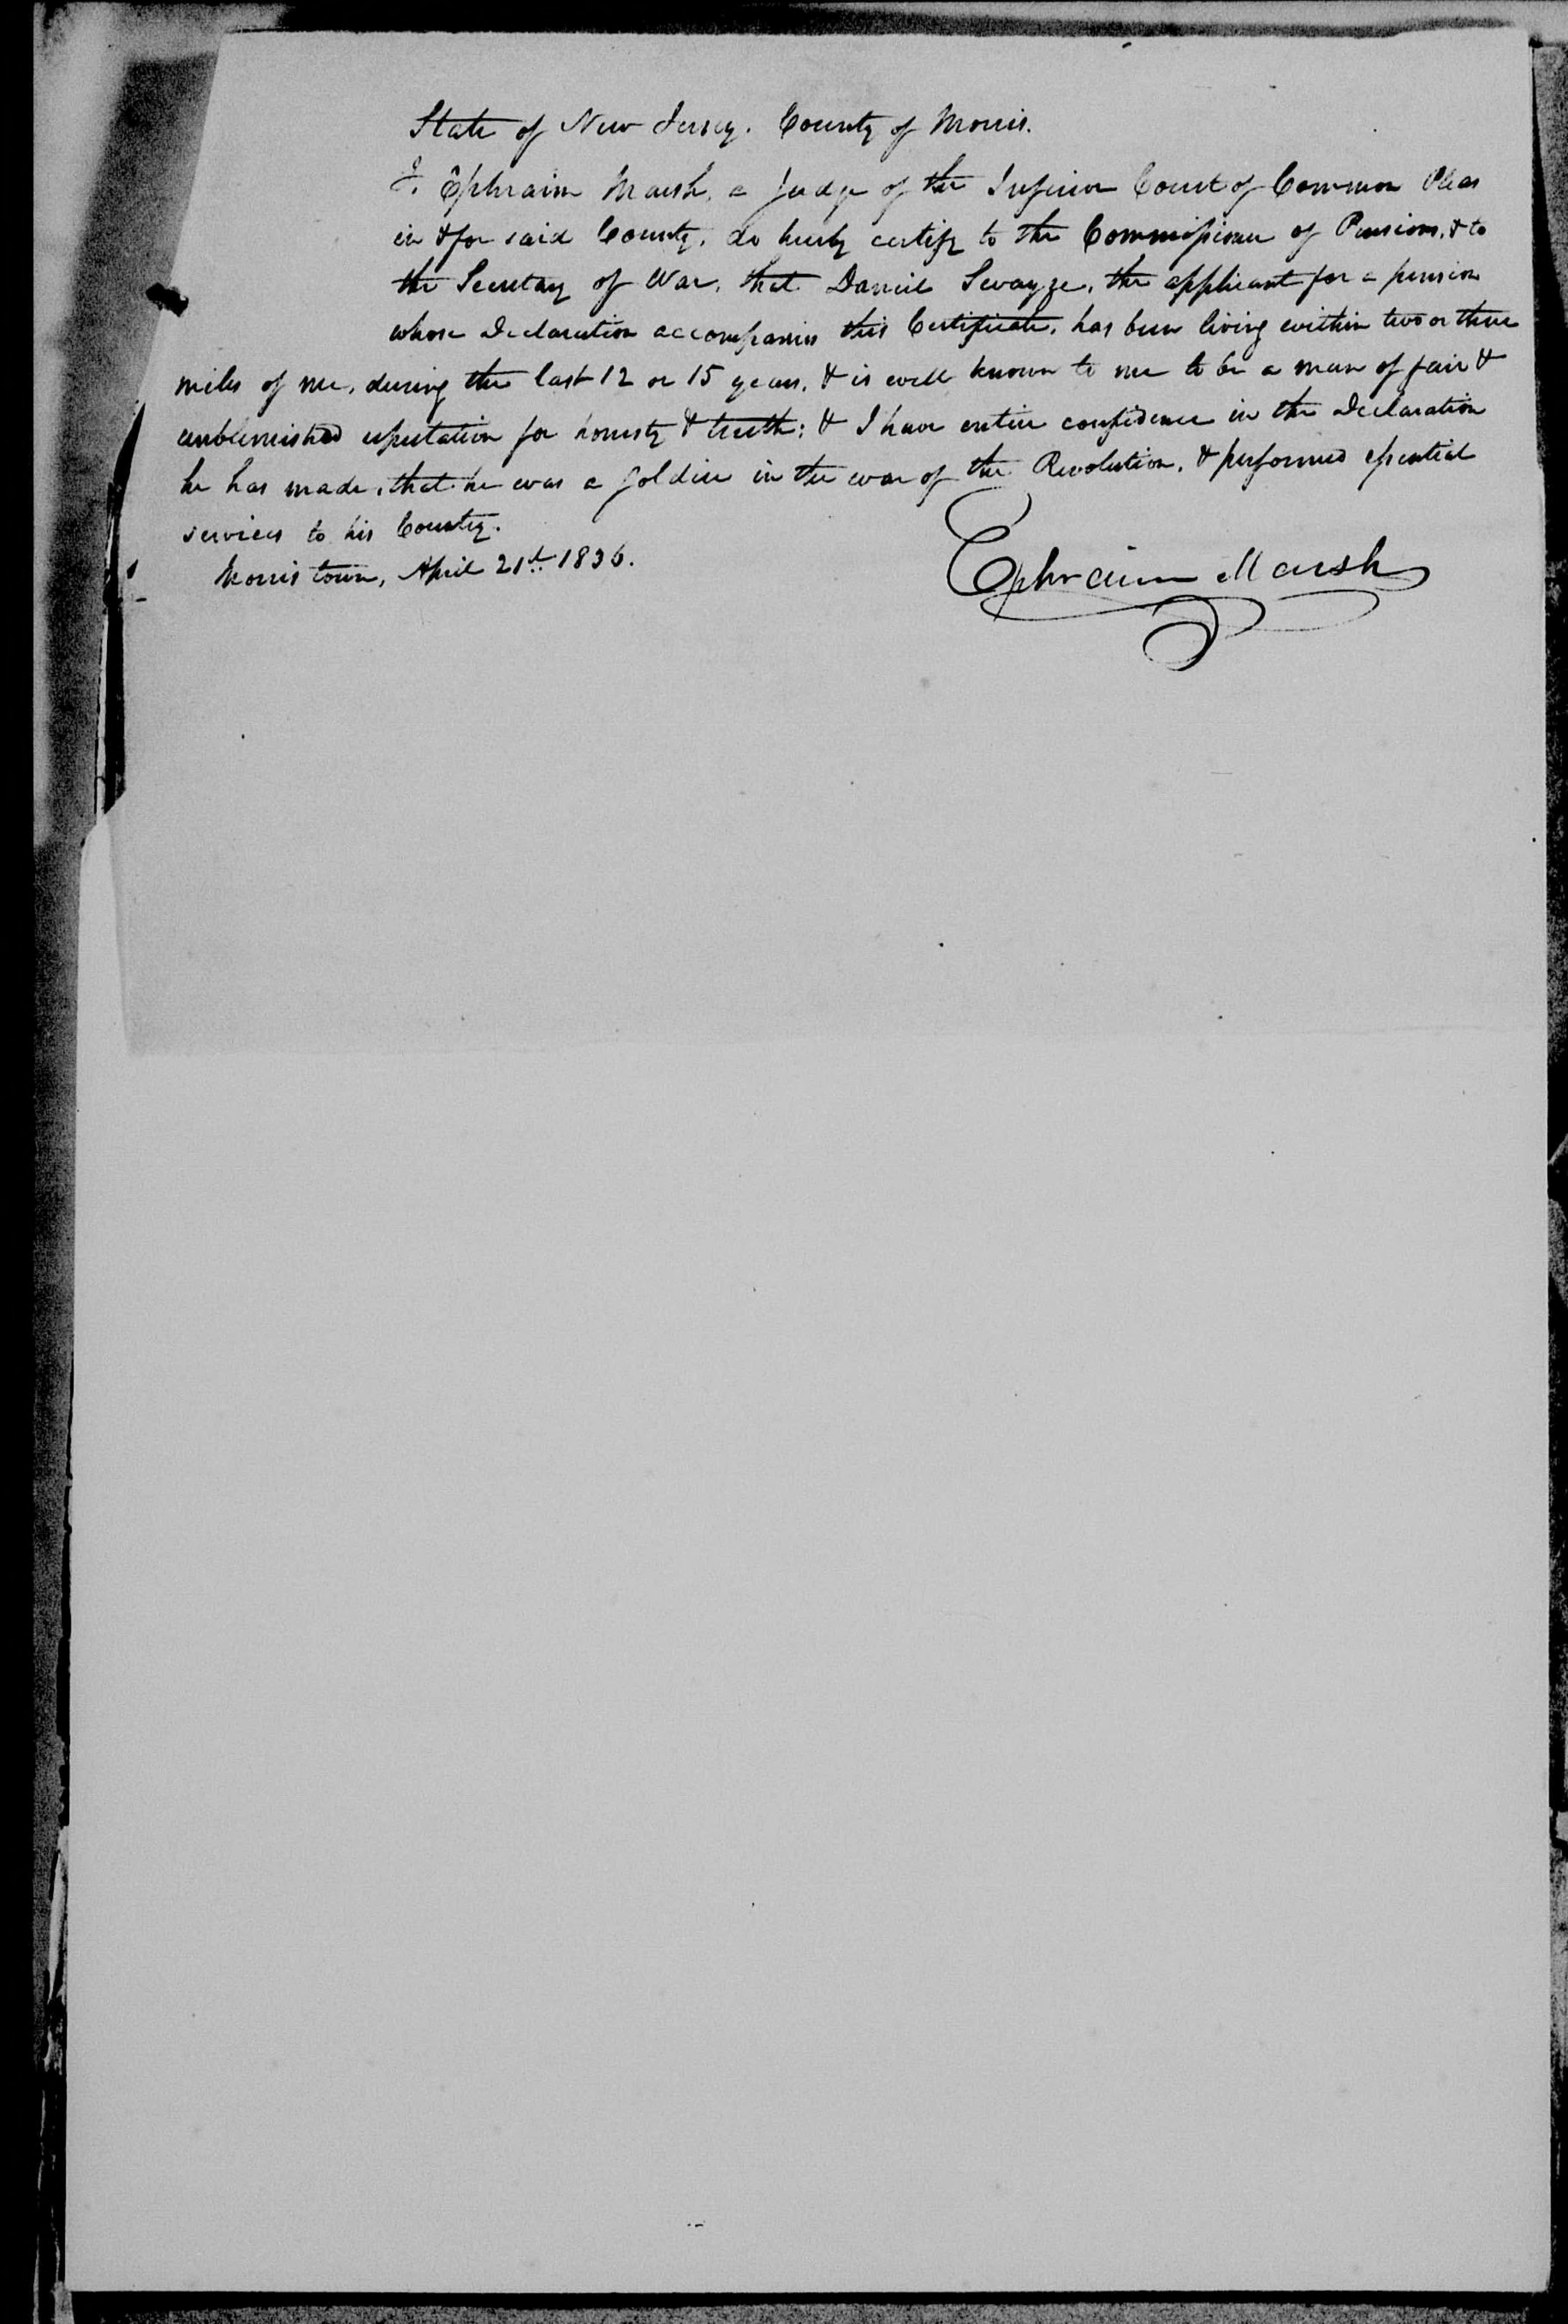State of New Jersey, County of Morris
J. Ephraim Marsh a Judge of the Superior Court of Common Please in afore said County, do hereby certify to the Commissioner of Pensions & to the Secretary of War.  That Daniel Swayze, the applicant for a pension whose Declaration accompaning this Certificate has been living within two or three miles of me, during the last 12 or 15 years, & is well known to me to be a man of fair & unblemished reputation for honesty & truth; & I have entire confidence in the declaration he has made, that he was a soldier in the war of the Revolution, & perfomred essential services to his country.

Morristown, April 21, 1836.
Ephraim Marsh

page: 12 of 20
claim: survivor's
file: S. 4911, for Daniel Swayze, New Jersey